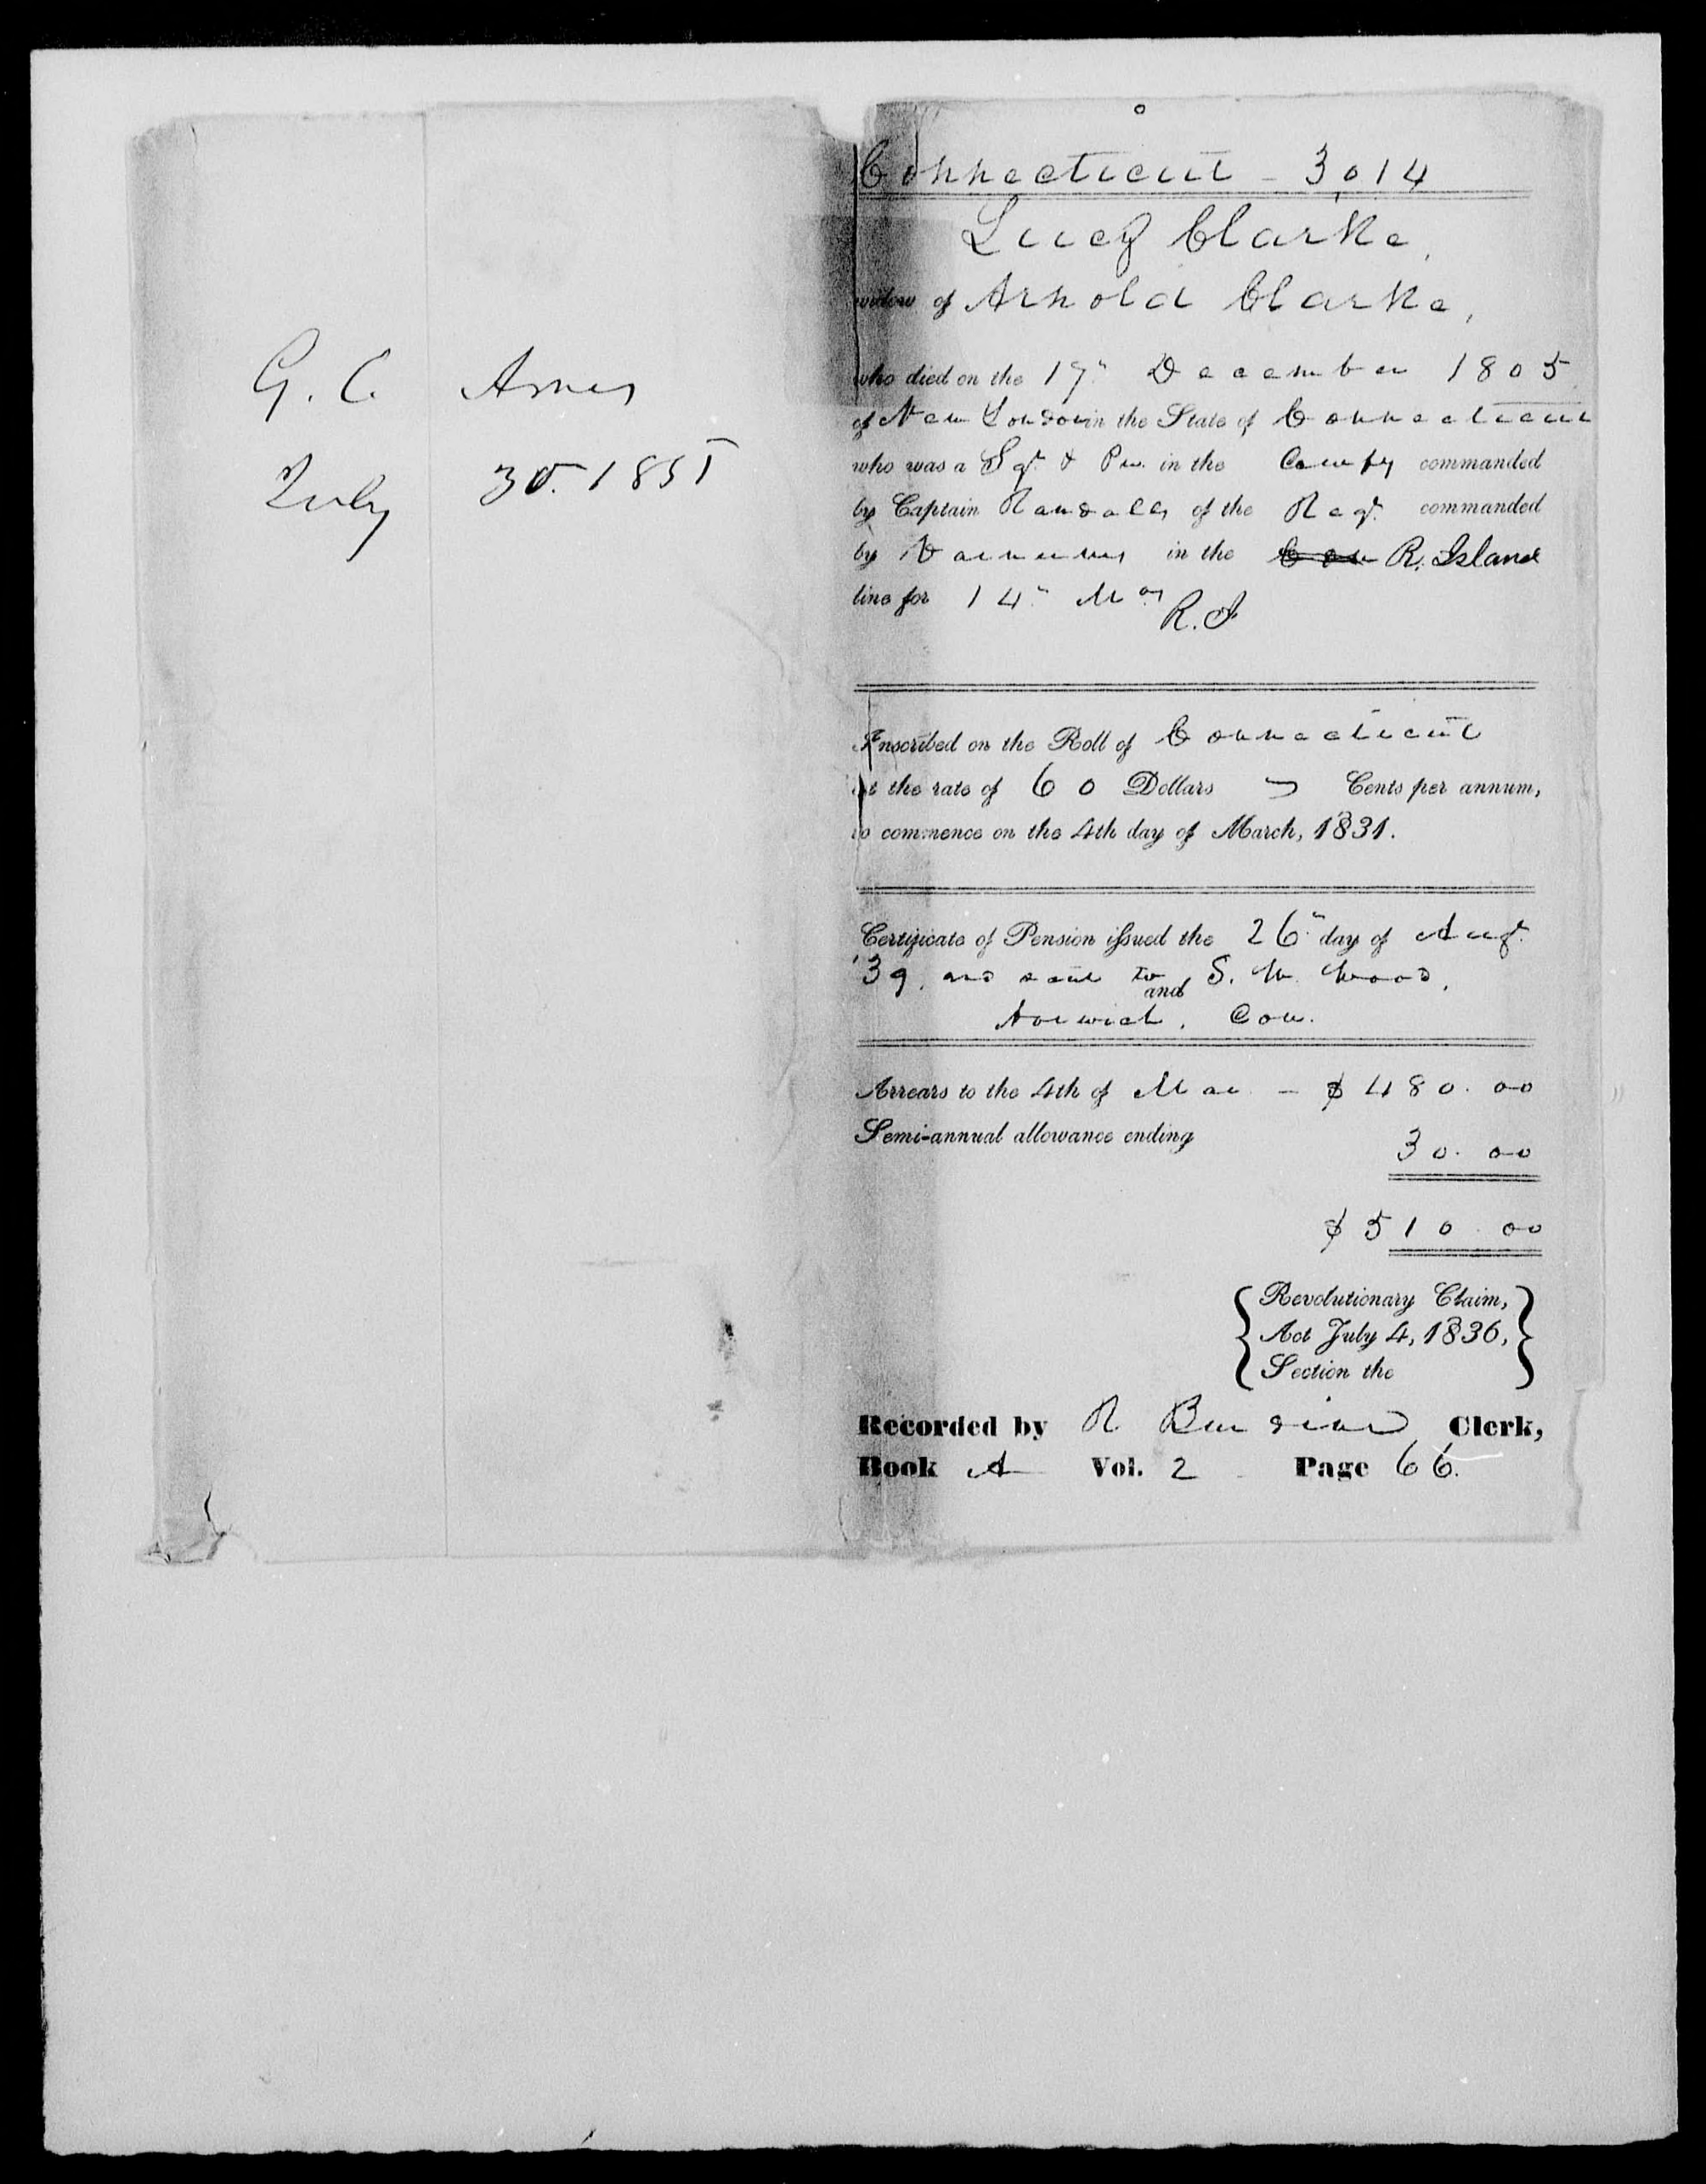Connecticut - 3014
Lucy Clarke widow of Arnold Clarke who died on the 19th December 1805 of New London in the State of Connecticut who was a Sgt. & [illegible] in the Compy commanded by Captain Randall of the Regt. commanded by [illegible] in the R. Island line for 14th Mar R.I.

Inscribed on the Roll of Connecticut at the rate of 60 Dollars - Cents per annum, to commence on the 4th day of March, 1831.

Certificate of Pension issued the 26th day of Augt. '39, and sent to S.W. Wood, Norwich, Con.

Arrears to the 4th of Mar $480.00
Semi-annual allowance ending $30.00
$510.00
{Revolutionary Claim, Act July 4, 1836, Section the }
Recorded by R. Burdine, Clerk,
Book A Vol. 2 Page 66

G.C. Ames
July 30, 1855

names: R Burdine, Arnold Clarke, S W Wood, G C Ames, Lucy Clarke, Randalls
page: 2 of 48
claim: widow's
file: W. 17,628, Arnold Clarke, R.I.